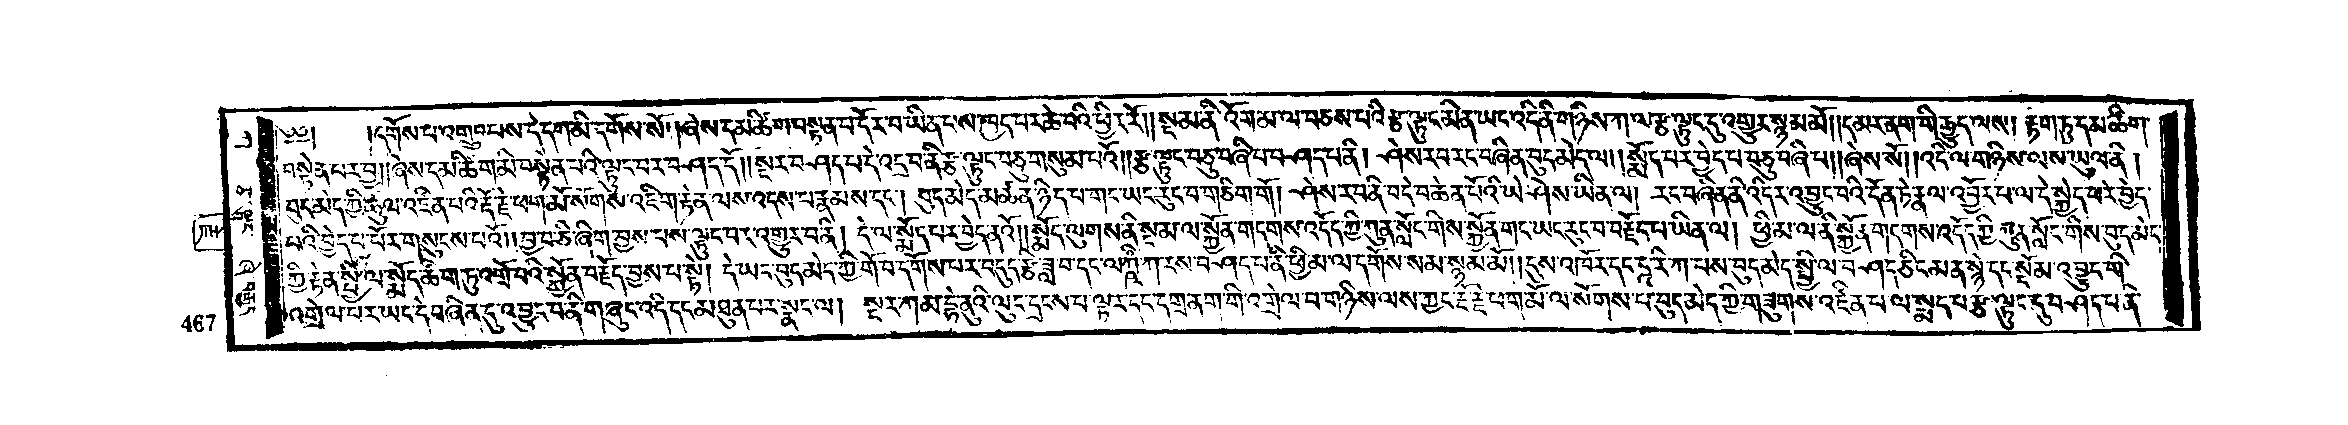༄༅། །དགོས་པ་འགྲུབ་པས་དེ་དག་མི་དགོས་སོ། །ཞེས་དམ་ཚིག་བསྟན་པ་དོར་བ་ཡིན་པས་ཁྱད་པར་ཆེ་བའི་ཕྱིར་རོ། །སྔ་མ་ནི་འོག་མ་ལ་བཅས་པའི་རྩ་ལྟུང་མིན་ཡང་འདི་ནི་གཉིས་ཀ་ལ་རྩ་ལྟུང་དུ་འགྱུར་སྙམ་མོ། །དམར་ནག་གི་རྒྱུད་ལས། རྟག་ཏུ་དམ་ཚིག་
བསྟེན་པར་བྱ། །ཞེས་དམ་ཚིག་མི་བསྟེན་པའི་ལྟུང་བར་བཤད་དོ། །སྔར་བཤད་པ་དེ་འདྲ་བ་ནི་རྩ་ལྟུང་བཅུ་གསུམ་པའོ། །རྩ་ལྟུང་བཅུ་བཞི་པ་བཤད་པ་ནི། ཤེས་རབ་རང་བཞིན་བུད་མེད་ལ། །སྨོད་པར་བྱེད་པ་བཅུ་བཞི་པ། །ཞེས་སོ། །འདི་ལ་གཉིས་ལས་ཡུལ་ནི།
བུད་མེད་ཀྱི་ཚུལ་འཛིན་པའི་རྡོ་རྗེ་ཕག་མོ་སོགས་འཇིག་རྟེན་ལས་འདས་པ་རྣམས་དང་། བུད་མེད་མཚན་ཉིད་པ་གང་ཡང་རུང་བ་གཅིག་གོ། ཤེས་རབ་ནི་བདེ་བ་ཆེན་པོའི་ཡེ་ཤེས་ཡིན་ལ། རང་བཞིན་ནི་འདིར་འབྱུང་བའི་དོན་ཏེ་རྣལ་འབྱོར་པ་ལ་དེ་སྐྱེད་པར་རེ་བྱེད་
པའི་བྱེད་པ་པོར་གསུངས་པའོ། །བྱ་བ་ཅི་ཞིག་བྱས་པས་ལྟུང་བར་འགྱུར་བ་ནི། དེ་ལ་སྨོད་པར་བྱེད་ནའོ། །སྨོད་ལུགས་ནི་སྔ་མ་ལ་སྐྱོན་གདགས་འདོད་ཀྱི་ཀུན་སློང་གིས་སྐྱོན་གང་ཡང་རུང་བ་བརྗོད་པ་ཡིན་ལ། ཕྱི་མ་ལ་ནི་སྐྱོན་གདགས་འདོད་ཀྱི་ཀུན་སློང་གིས་བུད་མེད་
ཀྱི་རྟེན་སྤྱི་ལ་སྨོད་ཚིག་ཏུ་འགྲོ་བའི་སྐྱོན་བརྗོད་བྱས་པ་སྟེ། དེ་ཡང་བུད་མེད་ཀྱི་གོ་བ་དགོས་པར་བདུད་རྩི་ཟླ་བ་དང་ལཀྵིཾ་ཀ་རས་བཤད་པ་ནི་ཕྱི་མ་ལ་དགོས་སམ་སྙམ་མོ། །དུས་འཁོར་དང་ཌཱ་རི་ཀ་པས་བུད་མེད་སྤྱི་ལ་བཤད་ཅིང་མན་སྙེ་དང་སྡོམ་འབྱུང་གི་
འགྲེལ་པར་ཡང་དེ་བཞིན་དུ་འབྱུང་བ་ནི་གཞུང་འདི་དང་མཐུན་པར་སྣང་ལ། སྔར་ཀ་མ་དྷེ་ནུའི་ལུང་དྲངས་པ་ལྟར་དང་དགྲ་ནག་གི་འགྲེལ་པ་གཉིས་ལས་ཀྱང་རྡོ་རྗེ་ཕག་མོ་ལ་སོགས་པ་བུད་མེད་ཀྱི་གཟུགས་འཛིན་པ་ལ་སྨད་པ་རྩ་ལྟུང་དུ་བཤད་པ་ནི་